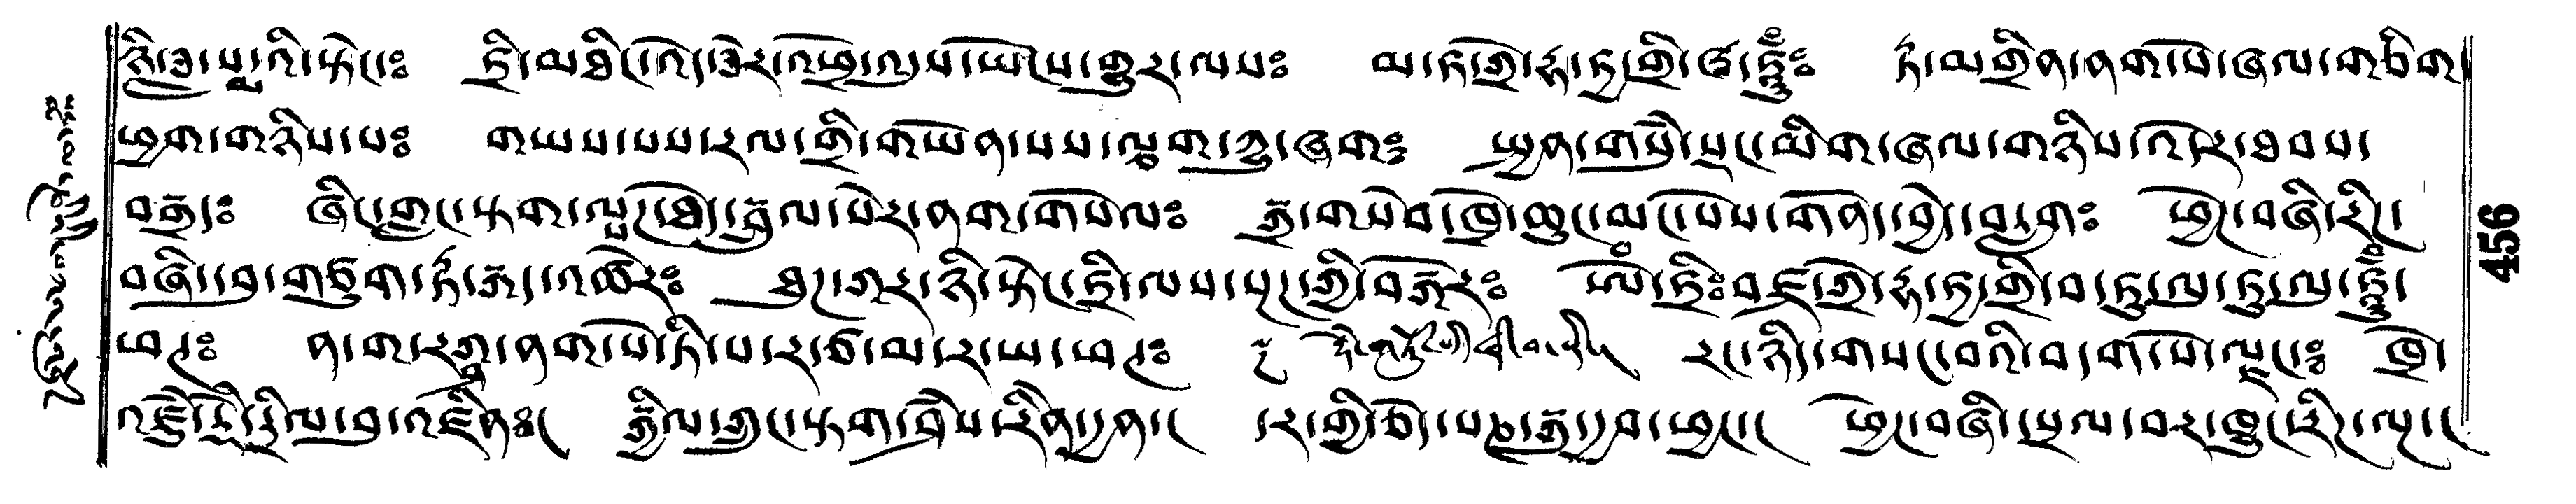ཉི་ཟླ་པདྨའི་སྟེང༔ ཧྲཱིཿམཐིང་འོད་ཟེར་འཕྲོ་འདུས་ཡོངས་གྱུར་ལས༔ མ་ཧ་ཀྲོ་དྷ་ཧྱ་གྲི་ཝ་ཧཱུྃ༔ རྟ་མགྲིན་ནག་པོ་ཞལ་གཅིག་
ཕྱག་གཉིས་པ༔ གཡས་པས་རལ་གྲི་གཡོན་པས་ལྕགས་ཀྱུ་ཞགས༔ སྤྱན་གསུམ་སྡང་མིག་ཞལ་གཉིས་འདོར་ཐབས་
བསྒྲད༔ ཞིང་གླང་སྟག་ལྤགས་ཐོད་སྦྲུལ་སེར་ནག་གསོལ༔ སྐྲ་གསེབ་ཁྲོ་ཆུང་མང་པོས་གནོད་བྱེད་བརླག༔ ཕྱོགས་བཞིར་རིགས་
བཞི་དབུ་གཙུག་རྟ་སྐད་འཚེར༔ ཐུགས་ཀར་ཉི་སྟེང་ཧྲཱིཿལས་སྔགས་ཀྱིས་བསྐོརཿ ཨོཾ་ཧྲཱིཿབཛྲ་ཀྲོ་དྷ་ཧྱ་གྲི་བ་ཧུ་ལུ་ཧུ་ལུ་ཧཱུྃ་
ཕཊ༔ ན་ག་རཀྴ་ནག་པོ་ཏི་པ་ར་ཙ་མ་ར་ཡ་ཕཊ༔༈ རྡོ་རྗ་གཏུམ་པོ་ཞི་བ་ནི། རང་ཉིད་གསང་བའི་བདག་པོ་ལྗང་། ཁྲོ་
འཛུམ་རྡོ་རྗེ་དྲིལ་བུ་འཛིན། །སྐྱིལ་ཀྲུང་སྟག་ཤམ་རིན་ཆེན་རྒྱན། །དར་གྱི་ཅོད་པཎ་སྐུ་རྒྱབ་ཕྱང་། །ཕྱོགས་བཞི་དཔྲལ་བར་ཁྱུང་རིགས་ལྔ།